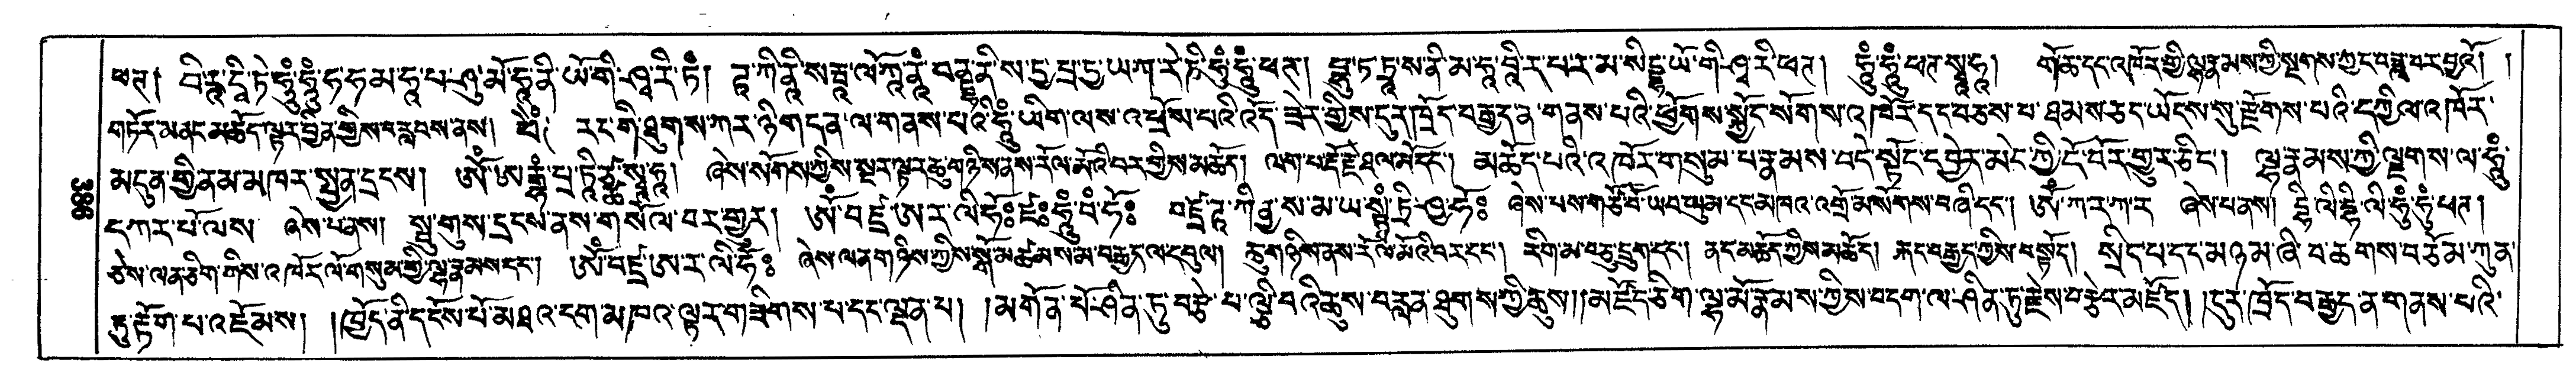ཕཊ། བི་རཱ་དྭི་ཏེ་ཧུཾ་ཧཱུཾ་ཧ་ཧ་མ་ཧཱ་པ་ཤུ་མོ་ཧཱ་ནི་ཡོ་གི་ཤྭ་རི་ཏྭཾ། ཊཱ་ཀི་ནཱི་སརྦཱ་ལི་ཀ་ནཱཾ་བནྡྷ་ནི་ས་ཏྱ་པྲ་ཏྱ་ཡ་ཀ་རེ་ཎི་ཧུཾ་ཧཱུཾ་ཕཊ། བྷུ་ཏ་ཏྲཱ་ས་ནཱི་མ་ཧཱ་དཱི་ར་པ་ར་མ་སིདྡྷ་ཡོ་གི་ཤྭ་རི་ཕཊ། ཧཱུཾ་ཧཱུཾ་ཕཊ་སྭཱ་ཧཱ། གོ་ཆ་དང་འཁོར་གྱི་ལྷ་རྣམས་ཀྱི་སྔགས་ཀྱང་བཟླ་བར་བྱའོ། །
གཏོར་མནང་མཆོད་ལྟར་བྱིན་གྱིས་བརླབས་ནས། ཕཻཾ༑ རང་གི་ཐུགས་ཀར་ཉི་གདན་ལ་གནས་པའི་ཧཱུཾ་ཡིག་ལས་འཕྲོས་པའི་འོད་ཟེར་གྱིས་དུར་ཁྲོད་བརྒྱད་ན་གནས་པའི་ཕྱོགས་སྐྱོང་སོགས་འཁོར་དང་བཅས་པ་ཐམས་ཅད་ཡོངས་སུ་རྫོགས་པའི་དཀྱིལ་འཁོར་
མདུན་གྱི་ནམ་མཁར་སྤྱན་དྲངས། ཨོཾ་ཨརྑཾ་བྲ་ཏཱིཙྪ་སྭཱ་ཧཱ། ཞེས་སོགས་ཀྱིས་སྔར་ལྟར་ཆུ་གཉིས་ནས་རོལ་མོའི་བར་གྱིས་མཆོད། ལག་པ་རྡོ་རྗེ་ཐལ་མོ་དང་། མཆོད་པའི་འཁོར་གསུམ་པོ་རྣམས་བདེ་སྟོང་དབྱེར་མེད་ཀྱི་ངོ་བོར་གྱུར་ཅིང་། ལྷ་རྣམས་ཀྱི་ལྗགས་ལ་ཧཱུཾ་
དཀར་པོ་ལས་ཞེས་པ་ནས། སྦུ་གུས་དྲངས་ནས་གསོལ་བར་གྱུར། ཨོཾ་བཛྲ་ཨ་ར་ལི་ཧོཿ ཛཿ ཧཱུཾ་བཾ་ཧོཿ བཛྲ་ཌཱ་ཀི་ནྱ་ས་མ་ཡ་སྟྭཾ་ཏྲི་ཤྱ་ཧོཿ ཞེས་པས་གཙོ་བོ་ཡབ་ཡུམ་དང་མཁའ་འགྲོ་མ་སོགས་བཞི་དང་། ཨོཾ་ཀ་ར་ཀ་ར་ཞེས་པ་ནས། དྷི་ལི་དྷི་ལི་ཧུཾ་ཧུཾ་ཕཊ།
ཅེས་ལན་ཅིག་གིས་འཁོར་ལོ་གསུམ་གྱི་ལྷ་རྣམས་དང་། ཨོཾ་བཛྲ་ཨ་ར་ལི་ཧོཿ ཞེས་ལན་གཉིས་ཀྱིས་སྒོ་མཚམས་མ་བརྒྱད་ལ་དབུལ། ཆུ་གཉིས་ནས་རོལ་མོའི་བར་དང་། རིག་མ་བཅུ་དྲུག་དང་། ནང་མཆོད་ཀྱིས་མཆོད། རྐང་བརྒྱད་ཀྱིས་བསྟོད། སྲིད་པ་དང་མཉམ་ཞིབ་ཆགས་བཅོམ་ཀུན་
ཏུ་རྟོག་པ་འཇོམས། །ཁྱོད་ནི་དངོས་པོ་མཐའ་དག་མཁའ་ལྟར་གཟིགས་པ་དང་ལྡན་པ། །མགོན་པོ་ཤིན་ཏུ་བརྩེ་བ་ལྕི་བའི་ཆུས་བརླན་ཐུགས་ཀྱི་ཆུས། །མཛོད་ཅིག་ལྷ་མོ་རྣམས་ཀྱིས་བདག་ལ་ཤིན་ཏུ་རྗེས་བརྩེར་མཛོད། །དུར་ཁྲོད་བརྒྱད་ན་གནས་པའི་